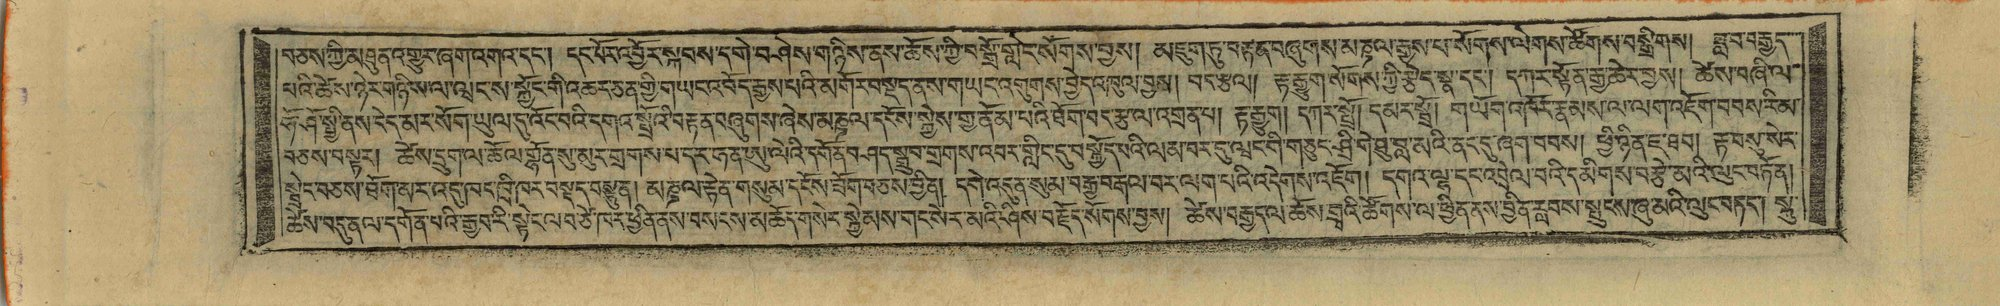བཅས་ཀྱི་མཐུན་འགྱུར་ཞག་འགའ་དང་། དང་པོར་འབྱོར་སྐབས་དགེ་བཤེས་གཉིས་ནས་ཆོས་ཀྱི་བསྒྲོ་གླེང་སོགས་བྱས། མཇུག་ཏུ་བརྟན་བཞུགས་མཎྜལ་རྒྱས་པ་སོགས་ལེགས་ཚོགས་བསྒྲིགས། ཟླ་བ་བརྒྱད་
པའི་ཚེས་ཉེར་གཉིས་ལ་ཝང་ས་སྐྱོང་གི་འཆར་ཅན་གྱི་གཡང་འབོད་རྒྱས་པའི་མགོར་བསྡད་ནས་གཡང་འགུགས་བྱེད་འཁུལ་བྱས། བང་རྩལ། རྟ་རྒྱུག་སོགས་ཀྱི་རྩེད་སྣ་དང་། དཀར་སྟོན་རྒྱ་ཆེར་བྱས། ཚེས་བཞི་ལ་
ཧོ་ཤོ་སྤྱི་ནས་ངེད་མར་སོག་ཡུལ་དུ་འོང་བའི་དགའ་སྤྲོའི་བརྟན་བཞུགས་ཞེས་མཎྜལ་དངོས་སྐྱེས་གྱ་ནོམ་པའི་ཐོག་བང་རྩལ་འགྲན་པ། རྟ་རྒྱུག །དཀར་སྤྲོ། དམར་སྤྲོ། གཡོག་འཁོར་རྣམས་ལ་ལག་འཇོག་བབས་རིམ་
བཅས་བསྟར། ཚེས་དྲུག་ལ་ཆོལ་གྷོན་སུ་མུར་གྲགས་པ་དར་ཧན་ཨུ་ལེའི་དགོན་བཤད་སྒྲུབ་གྲགས་འབར་གླིང་དུ་བསྐྱོད་པའི་ལམ་བར་དུ་ཝང་གི་གཅུང་ཤྲི་གེ་ཐུ་བླ་མའི་ནང་དུ་ཞག་བབས། ཕྱི་ཉིན་ཇ་ཐབ། རྟ་བསུ་སེར་
སྤྲེང་བཅས་ཐོག་མར་འདུ་ཁང་ཁྲི་ཁར་བསྡད་བསྟུན། མཎྜལ་རྟེན་གསུམ་དངོས་ཟོག་བཅས་བྱིན། དགེ་འདུན་སུམ་བརྒྱ་བརྒལ་བར་ལག་པའི་འདེགས་འཇོག །དགའ་ལྷ་དང་འབྲེལ་བའི་དམིགས་བརྩེ་མའི་ལུང་བཏོན།
ཚེས་བདུན་ལ་དགོན་པའི་རྒྱབ་རི་སྟེང་ལབ་ཙེ་ཁར་ཕྱིན་ནས་བསངས་མཆོད་གསེར་སྐྱེམས་གང་སེར་མའི་ཤིས་བརྗོད་སོགས་བྱས། ཚེས་བརྒྱད་ལ་ཆོས་གྲྭའི་ཚོགས་ལ་ཕྱིན་ནས་བྱིན་རླབས་སྤུངས་ཞུ་མའི་ལུང་བཏང་། སྐུ་